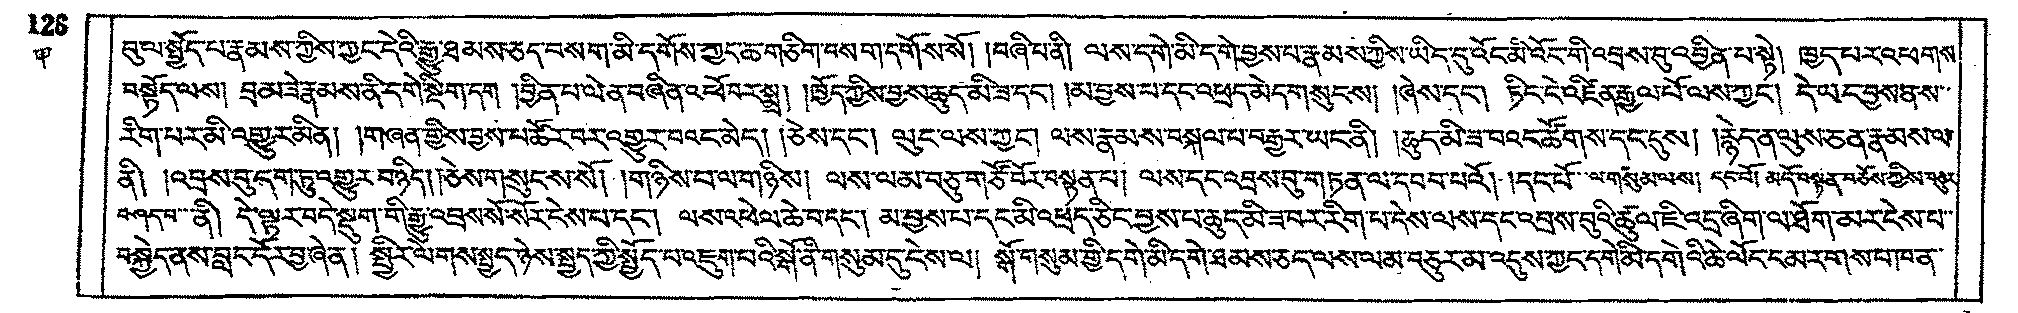བུ་ལ་སྤྱོད་པ་རྣམས་ཀྱིས་ཀྱང་དེའི་རྒྱུ་ཐམས་ཅད་བསག་མི་དགོས་ཀྱང་ཆ་གཅིག་བས་དགོས་སོ། །བཞི་པ་ནི། ལས་དགེ་མི་དགེ་བྱས་པ་རྣམས་ཀྱིས་ཡིད་དུ་འོང་མི་འོང་གི་འབྲས་བུ་འབྱིན་པ་སྟེ། ཁྱད་པར་འཕགས་
བསྟོད་ལས། བྲམ་ཟེ་རྣམས་ནི་དགེ་སྡིག་དག །བྱིན་པ་ལེན་བཞིན་འཕོ་བར་སྨྲ། །ཁྱོད་ཀྱིས་བྱས་ཆུད་མི་ཟ་དང་། །མ་བྱས་པ་དང་འཕྲད་མེད་གསུངས། །ཞེས་དང་། ཏིང་ངེ་འཛིན་རྒྱལ་པོ་ལས་ཀྱང་། དེ་ཡང་བྱས་ནས་
རིག་པར་མི་འགྱུར་མིན། །གཞན་གྱིས་བྱས་པ་ཚོ་བར་འགྱུར་བའང་མེད། །ཅེས་དང་། ལུང་ལས་ཀྱང་། ལས་རྣམས་བསྐལ་པ་བརྒྱར་ཡང་ནི། །ཆུད་མི་ཟ་བའང་ཚོགས་དང་དུས། །རྙེད་ན་ལུས་ཅན་རྣམས་ལ་
ནི། །འབྲས་བུ་དག་ཏུ་འགྱུར་བ་ཉིད། །ཅེས་གསུངས་སོ། །གཉིས་པ་ལ་གཉིས། ལས་ལམ་བཅུ་གཙོ་བོར་བསྟན་པ། ལས་དང་འབྲས་བུ་གཏན་ལ་དབབ་པའོ། །དང་པོལ་གསུམ་ལས། དང་པོ། མདོ་བསྟན་བཅོས་ཀྱིས་བཅུར་
བཤད་པནི། དེ་ལྟར་བདེ་སྡུག་གི་རྒྱུ་འབྲས་སོ་སོར་ངེས་པ་དང་། ལས་འཕེལ་ཆེ་བ་དང་། མ་བྱས་པ་དང་མི་འཕྲད་ཅིང་བྱས་པ་ཆུད་མི་ཟ་བར་རིག་པ་དེས་ལས་དང་འབྲས་བུའི་ཚུལ་ཇི་འདྲ་ཞིག་ལ་ཐོག་མར་ངེས་པ་
བསྐྱེད་ནས་བླང་དོར་བྱ་ཞེ་ན། སྤྱིར་ལེགས་ཉེས་སྤྱད་ཉེས་སྤྱད་ཀྱི་སྤྱོད་པ་འཇུག་པའི་སྒོ་ནི་གསུམ་དུ་ངེས་ལ། སྒོ་གསུམ་གྱི་དགེ་མི་དགེ་ཐམས་ཅད་ལས་ལམ་བཅུར་མ་འདུས་ཀྱང་དགེ་མི་དགེའི་ཆེ་ལོང་ངམ་རགས་པ་ཁ་ན་